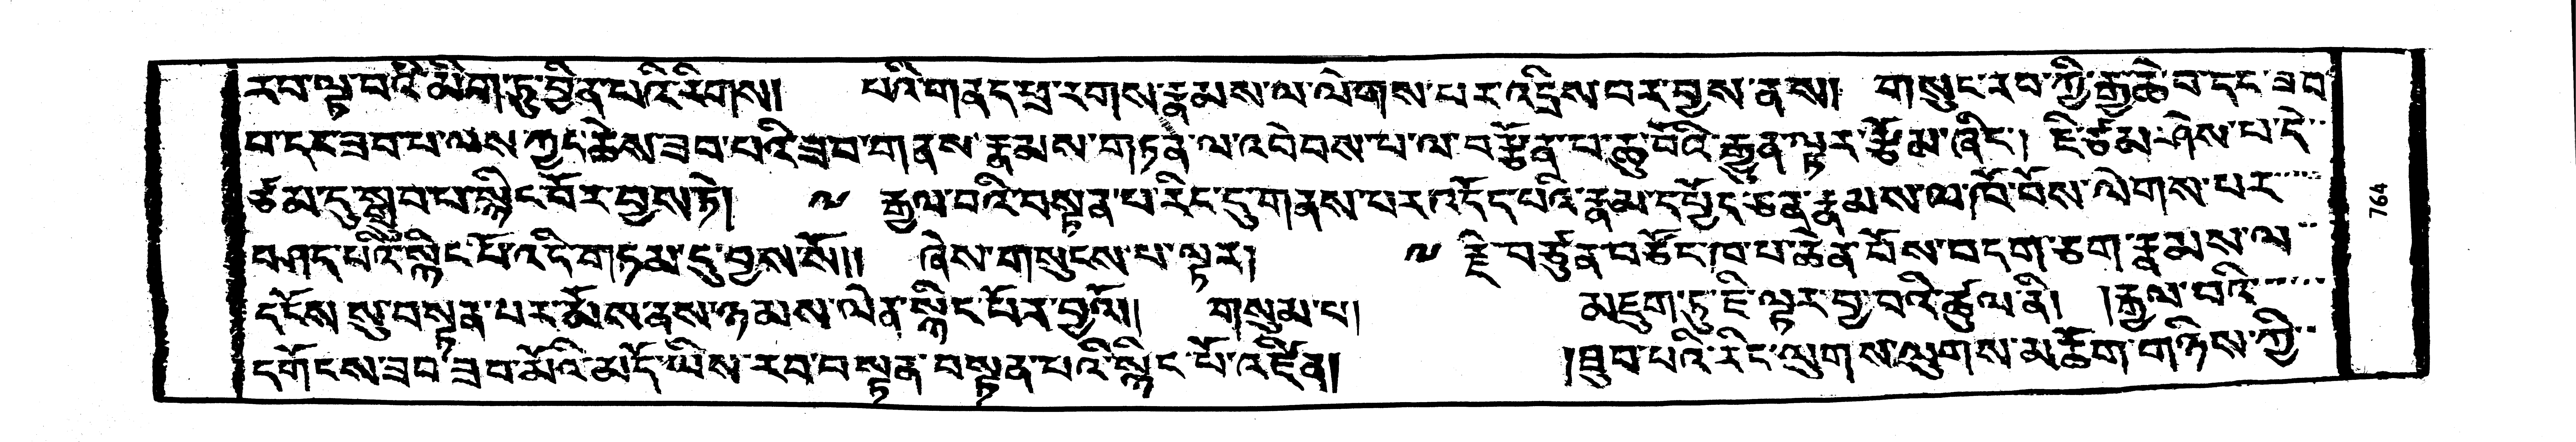རབ་ལྟ་བའི་མིག་ཏུ་བྱིན་པའི་རིགས། པའི་གནད་ཕྲ་རགས་རྣམས་ལ་ལེགས་པར་འདྲིས་བར་བྱས་ནས། གསུང་རབ་ཀྱི་རྒྱ་ཆེ་བ་དང་ཟབ་
པ་དང་ཟབ་པ་ལས་ཀྱང་ཆེས་ཟབ་པའི་ཟབ་གནས་རྣམས་གཏན་ལ་འབེབས་པ་ལ་བརྩོན་པ་ཆུ་བོའི་རྒྱུན་ལྟར་རྩོམ་ཞིང་། ཇི་ཙམ་ཤེས་པ་དེ་
ཙམ་དུ་སྒྲུབ་པ་སྙིང་བོར་བྱས་ཏེ། ༧་རྒྱལ་བའི་བསྟན་པ་རིང་དུ་གནས་པར་འདོད་པའི་རྣམ་དཔྱོད་ཅན་རྣམས་ལ་ཁོ་བོས་ལེགས་པར་
བཤད་པའི་སྙིང་པོ་འདི་གཏམ་དུ་བྱས་སོ།། ཞེས་གསུངས་པ་ལྟར། ༧་རྗེ་བཙུན་བཙོང་ཁ་པ་ཆེན་པོས་བདག་ཅག་རྣམས་ལ་
དངོས་སུ་བསྟན་པར་མོས་ནས་ཉམས་ལེན་སྙིང་པོར་བྱའོ།། གསུམ་པ། མཇུག་ཏུ་ཇི་ལྟར་བྱ་བའི་ཚུལ་ནི། །རྒྱལ་བའི་
དགོངས་ཟབ་ཟབ་མོའི་མདོ་ཡིས་རབ་བསྟན་བསྟན་པའི་སྙིང་པོ་འཛིན། །ཐུབ་པའི་རིང་ལུགས་ལུགས་མཆོག་གཉིས་ཀྱི་